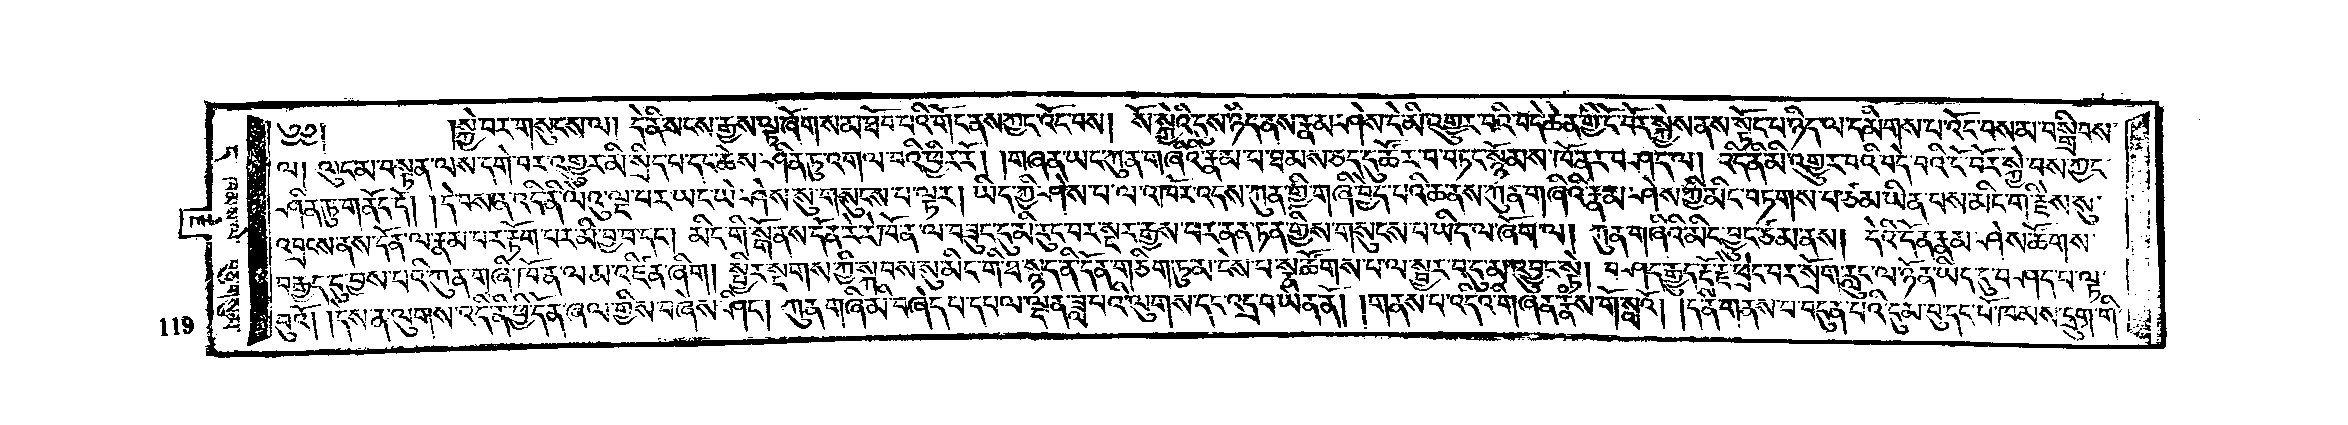༄༅། །སྐྱེ་བར་གསུངས་ལ། དེ་ནི་སངས་རྒྱས་ལྟ་ཞོག་ས་མ་ཐོབ་པའི་གོང་ནས་ཀྱང་འོང་བས། སོ་སྐྱེའི་དུས་ཉིད་ནས་རྣམ་ཤེས་དེ་མི་འགྱུར་བའི་བདེ་ཆེན་གྱི་ངོ་བོར་སྐྱེས་ནས་སྟོང་པ་ཉིད་ལ་དམིགས་པ་འོང་བས་མ་བསྒྲིབས་
ལ། ལུང་མ་བསྟན་ལས་དགེ་བར་འགྱུར་མི་སྲིད་པ་དང་ཆེས་ཤིན་ཏུ་འགལ་བའི་ཕྱིར་རོ། །གཞན་ཡང་ཀུན་གཞིའི་རྣམ་པ་ཐམས་ཅད་དུ་ཚོར་བ་བཏང་སྙོམས་ཁོ་ནར་བཤད་ལ། འདི་ནི་མི་འགྱུར་བའི་བདེ་བའི་ངོ་བོར་སྐྱེ་བས་ཀྱང་
ཤིན་ཏུ་གནོད་དོ། །དེ་བས་ན་འདི་ནི་ལེའུ་ལྔ་པར་ཡང་ཡེ་ཤེས་སུ་གསུངས་པ་ལྟར། ཡིད་ཀྱི་ཤེས་པ་ལ་འཁོར་འདས་ཀུན་གྱི་གཞི་བྱེད་པའི་ཆ་ནས་ཀུན་གཞིའི་རྣམ་ཤེས་ཀྱི་མིང་བཏགས་པ་ཙམ་ཡིན་པས་མིང་གི་རྗེས་སུ་
འབྲངས་ནས་དོན་ལ་རྣམ་པར་རྟོག་པར་མི་བྱ་བ་དང་། མིང་གི་སྒོ་ནས་དོན་རེ་རེ་ཁོ་ན་ལ་བཟུང་དུ་མི་རུང་བར་སྔར་རྒྱས་པར་ནན་ཏན་གྱིས་གསུངས་པ་ཡིད་ལ་ཞོག་ལ། ཀུན་གཞིའི་མིང་བྱུང་ཙམ་ནས། དེའི་དོན་རྣམ་ཤེས་ཚོགས་
བརྒྱད་དུ་བྱས་པའི་ཀུན་གཞི་ཁོ་ན་ལམ་འཛིན་ཞིག །སྤྱིར་སྔགས་ཀྱི་སྐབས་སུ་མིང་གི་ཐ་སྙད་ནི་དོན་གཅིག་ཏུ་མ་ངེས་པ་སྣ་ཚོགས་པ་ལ་སྦྱར་བ་དུ་མ་འབྱུང་སྟེ། བཤད་རྒྱུད་རྡོ་རྗེ་ཕྲེང་བར་སྲོག་རླུང་ལ་ཉོན་ཡིད་དུ་བཤད་པ་ལྟ་
བུའོ། །དེས་ན་ལུགས་འདི་ནི་ཕྱི་དོན་ཞལ་གྱིས་བཞེས་ཤིང་། ཀུན་གཞི་མི་བཞེད་པ་དཔལ་ལྡན་ཟླ་བའི་ལུགས་དང་འདྲ་བ་ཡིན་ནོ། །གནས་པ་འདིའི་གཞན་རྣམས་གོ་སླའོ། །ད་ནི་གནས་པ་བདུན་པའི་དུམ་བུ་དང་པོ་ཁམས་དྲུག་གི་